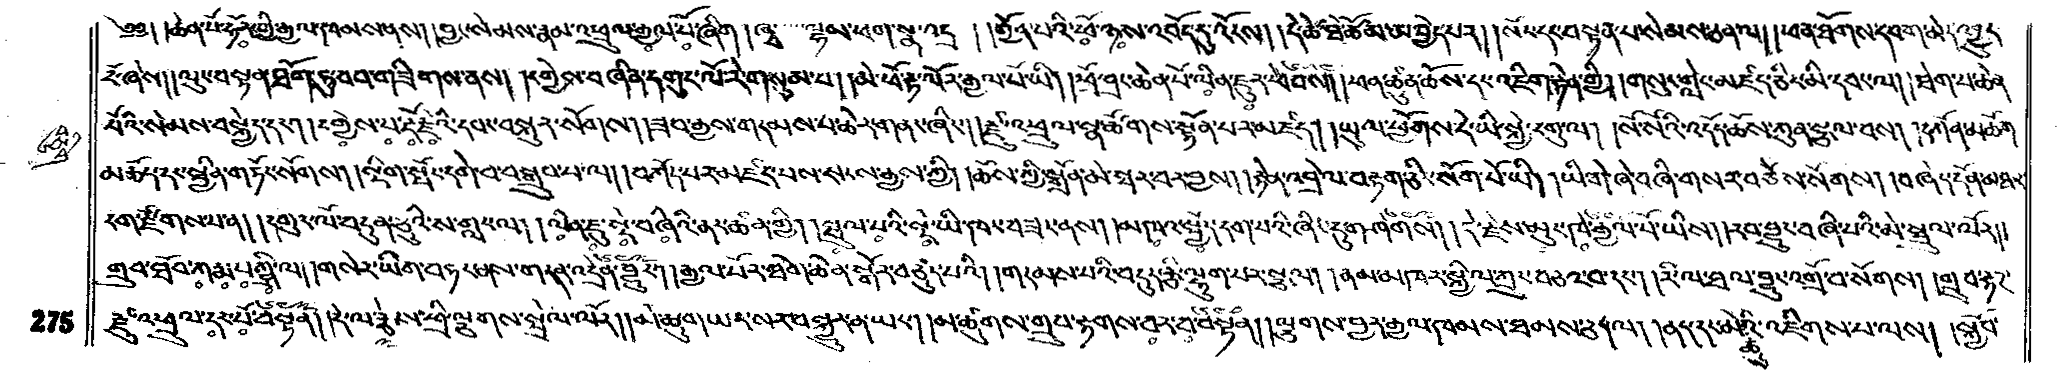༄༅། །ཆེན་པོ་ཧོར་གྱི་རྒྱལ་ཁམས་ནས། །བྱང་སེམས་རྣམ་འཕྲུལ་རྒྱལ་པོ་ཞིག །ཞྭ་ལྷམ་ཕག་སྣ་འདྲ། །གྱོན་པའི་ཕོ་ཉས་འབོད་དུ་འོངས། །དེ་ཚེ་ཐེ་ཚོམ་མ་བྱེད་པར། །སོང་དང་བསྟན་པ་སེམས་ཅན་ལ། །ཕན་ཐོགས་དབག་མེད་འབྱུང་
དོ་ཞེས། །ལུང་བསྟན་ཐོག་ཏུ་བབ་གཟིགས་ནས། །དགྱེས་བཞིན་དགུང་ལོ་རེ་གསུམ་པ། །མེ་ཕོ་རྟ་ལོར་རྒྱལ་བོ་ཡི། །ཕྲོ་བྲང་ཆེན་པོ་ལིན་ཇུར་ཕེབས། །ཕན་ཚུན་ཆོས་དང་འཇིག་རྟེན་གྱི། །གསུང་གླེང་མཛད་ཅིང་མི་དབང་ལ། །ཐེག་པ་ཆེན་
པོའི་སེམས་བསྐྱེད་དང་། །དགྱེས་པ་རྡོ་རྗེའི་དབང་བསྐུར་སོགས། །ཟབ་རྒྱས་གདམས་པ་ཆེར་གནང་ཞིང་། །རྫུ་འཕྲུལ་སྣ་ཚོགས་སྟོན་པར་མཛད། །ཡུལ་ཕྱོགས་དེ་ཡི་སྐྱེ་དགུ་ལ། །སོ་སོའི་འདོད་ཆོས་ཀུན་སྩལ་བས། །དཀོན་མཆོག་
མཆོད་དང་སྦྱིན་གཏོང་སོགས། །སྡིག་སྤོང་དགེ་བ་བསྒྲུབ་པ་ལ། །བཀོད་པར་མཛད་པས་སངས་རྒྱས་ཀྱི། །ཆོས་ཀྱི་སྒྲོན་མེ་སྤར་བར་བྱས། །རྟེན་འབྲེལ་བརྟག་ཅིང་སོག་པོ་ཡི། །ཡི་གེ་ཞེ་བཞི་གསར་བཅེས་སོགས། །བཞེད་དོན་མཐའ་
དག་རྫོགས་པ་ན། །དགུང་ལོ་བདུན་ཅུའི་ས་གླང་ལ། །ལིན་ཇུ་སྡེ་བཞིའི་ནང་ཚན་གྱི། །སྤུལ་བའི་སྡེ་ཡི་ཁང་བཟང་ནས། །མཁའ་སྤྱོད་དག་པའི་ཞིང་དུ་གཤེགས། །དེ་རྗེས་མུང་ཁེ་རྒྱལ་པོ་ཡིས། །རབ་བྱུང་བཞི་པའི་མེ་སྦྲུལ་ལོར།།
གྲུབ་ཐོབ་ཀརྨ་པཀྴི་ལ། །གསེར་ཡིག་བཏང་ནས་གདན་འདྲེན་བྱུང་། །རྒྱལ་པོར་ཐེག་ཆེན་སྒོར་བཙུད་པའི། །གདམས་པའི་བདུད་རྩི་ལྷུག་པར་སྩལ། །ནམ་མཁར་སྐྱིལ་ཀྲུང་བཅའ་བ་དང་། །རི་ལ་ཐལ་བྱུང་འགྲོ་བ་སོགས། །གྲུབ་རྟགས་
རྫུ་འཕྲུལ་དང་བོ་བསྟན། །དེ་ལ་རྩེས་ཕྲི་ལྕགས་སྤྲེལ་ལོར། །མེ་ཆུ་གཡང་སར་བསྐྱུར་ན་ཡང་། །མ་ཚུགས་གྲུབ་རྟགས་བར་བ་བསྟན། །ལྕགས་བྱར་རྒྱལ་ཁམས་ཐམས་ཅད་ལ། །ནད་དང་མེ་ཆུའི་འཇིགས་པ་ལས། །སྐྱོབ་